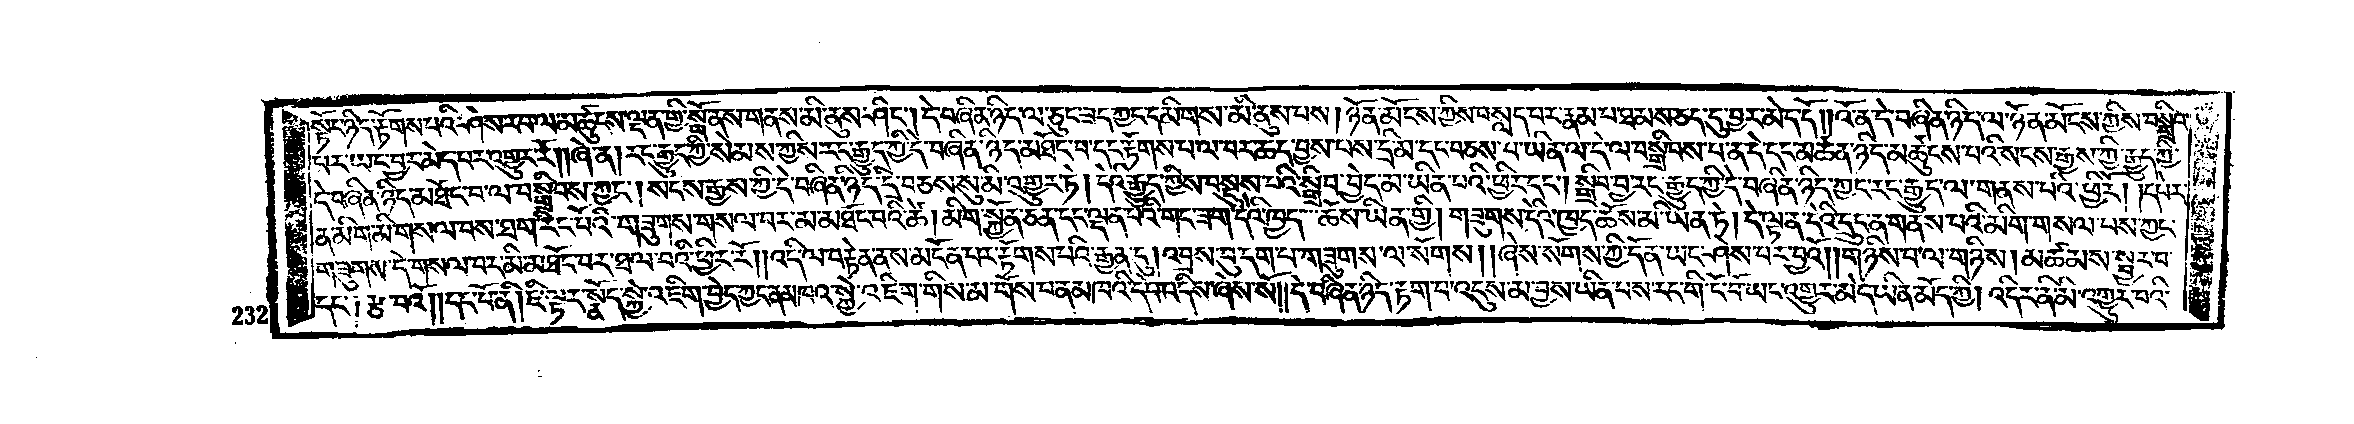སྟོང་ཉིད་རྟོགས་པའི་ཤེས་རབ་ལ་མཚུངས་ལྡན་གྱི་སྒོ་ནས་གནས་མི་ནུས་ཤིང་། དེ་བཞིན་ཉིད་ལ་ཅུང་ཟད་ཀྱང་དམིགས་མི་ནུས་པས། ཉོན་མོངས་ཀྱིས་བསླད་པར་རྣམ་པ་ཐམས་ཅད་དུ་བྱར་མེད་དོ། །འོ་ན་དེ་བཞིན་ཉིད་ལ་ཉོན་མོངས་ཀྱིས་བསྒྲིབ་
པར་ཡང་བྱར་མེད་པར་འགྱུར་རོ། །ཞེ་ན། རང་རྒྱུད་ཀྱི་སེམས་ཀྱིས་རང་རྒྱུད་ཀྱི་དེ་བཞིན་ཉིད་མཐོང་བ་དང་རྟོགས་པ་ལ་བར་ཆད་བྱས་པས་དྲི་མ་དང་བཅས་པ་ཡིན་ལ་དེ་ལ་བསྒྲིབས་པ་ན་དེ་དང་མཚན་ཉིད་མཚུངས་པའི་སངས་རྒྱས་ཀྱི་རྒྱུད་ཀྱི་
དེ་བཞིན་ཉིད་མཐོང་བ་ལ་བསྒྲིབས་ཀྱང་། སངས་རྒྱས་ཀྱི་དེ་བཞིན་ཉིད་དྲི་བཅས་སུ་མི་འགྱུར་ཏེ། དེའི་རྒྱུད་ཀྱིས་བསྡུས་པའི་སྒྲིབ་བྱེད་མ་ཡིན་པའི་ཕྱིར་དང་། སྒྲིབ་བྱ་རང་རྒྱུད་ཀྱི་དེ་བཞིན་ཉིད་ཀྱང་རང་རྒྱུད་ལ་གནས་པའི་ཕྱིར་རོ། །དཔེར་
ན་མིག་མི་གསལ་བས་ཐག་རིང་པོའི་གཟུགས་གསལ་བར་མ་མཐོང་བའི་ཚེ། མིག་སྐྱོན་ཅན་དང་ལྡན་པའི་གང་ཟག་དེའི་ཁྱད་ཆོས་ཡིན་གྱི་།གཟུགས་དེའི་ཁྱད་ཆོས་མ་ཡིན་ཏེ། དེ་ལྟ་ན་དེའི་དྲུང་ན་གནས་པའི་མིག་གསལ་བས་ཀྱང་
གཟུགས་དེ་གསལ་བར་མི་མཐོང་བར་ཐལ་བའི་ཕྱིར་རོ། །འདི་ལ་བརྟེན་ནས་མངོན་པར་རྟོགས་པའི་རྒྱན་དུ། འབྲས་བུ་དག་པ་གཟུགས་ལ་སོགས། །ཞེས་སོགས་ཀྱི་དོན་ཡང་ཤེས་པར་བྱའོ། །གཉིས་པ་ལ་གཉིས། མཚམས་སྦྱར་བ་
དང༑ རྩ་བའོ། །དང་པོ་ནི། ཇི་ལྟར་སྣོད་སྐྱེ་འཇིག་བྱེད་ཀྱང་ནམ་མཁའ་སྐྱེ་འཇིག་གིས་མ་གོས་པ་ནམ་མཁའི་དཔེ་འདིས་ཞེས་སོ། །དེ་བཞིན་ཉིད་རྟག་པ་འདུས་མ་བྱས་ཡིན་པས་རང་གི་ངོ་བོ་ཡང་འགྱུར་མེད་ཡིན་མོད་ཀྱི། འདིར་ནི་མི་འགྱུར་བའི་